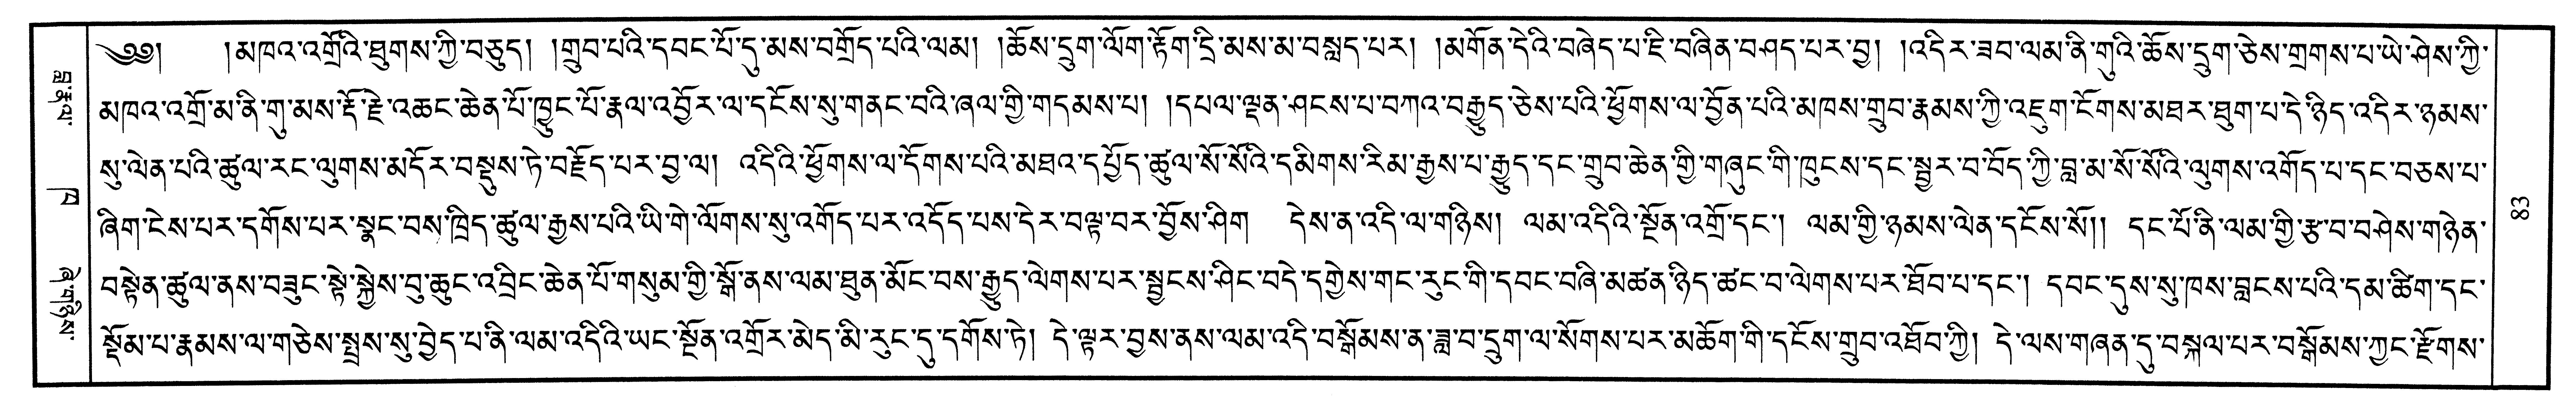༄༅། །མཁའ་འགྲོའི་ཐུགས་ཀྱི་བཅུད། །གྲུབ་པའི་དབང་པོ་དུ་མས་བགྲོད་པའི་ལམ། །ཆོས་དྲུག་ལོག་རྟོག་དྲི་མས་མ་བསླད་པར། །མགོན་དེའི་བཞེད་པ་ཇི་བཞིན་བཤད་པར་བྱ། །འདིར་ཟབ་ལམ་ནི་གུའི་ཆོས་དྲུག་ཅེས་གྲགས་པ་ཡེ་ཤེས་ཀྱི་
མཁའ་འགྲོ་མ་ནི་གུ་མས་རྡོ་རྗེ་འཆང་ཆེན་པོ་ཁྱུང་པོ་རྣལ་འབྱོར་ལ་དངོས་སུ་གནང་བའི་ཞལ་གྱི་གདམས་པ། །དཔལ་ལྡན་ཤངས་པ་བཀའ་བརྒྱུད་ཅེས་པའི་ཕྱོགས་ལ་བྱོན་པའི་མཁས་གྲུབ་རྣམས་ཀྱི་འཇུག་ངོགས་མཐར་ཐུག་པ་དེ་ཉིད་འདིར་ཉམས་
སུ་ལེན་པའི་ཚུལ་རང་ལུགས་མདོར་བསྡུས་ཏེ་བརྗོད་པར་བྱ་ལ། འདིའི་ཕྱོགས་ལ་དོགས་པའི་མཐའ་དཔྱོད་ཚུལ་སོ་སོའི་དམིགས་རིམ་རྒྱས་པ་རྒྱུད་དང་གྲུབ་ཆེན་གྱི་གཞུང་གི་ཁུངས་དང་སྦྱར་བ་བོད་ཀྱི་བླ་མ་སོ་སོའི་ལུགས་འགོད་པ་དང་བཅས་པ་
ཞིག་ངེས་པར་དགོས་པར་སྣང་བས་ཁྲིད་ཚུལ་རྒྱས་པའི་ཡི་གེ་ལོགས་སུ་འགོད་པར་འདོད་པས་དེར་བལྟ་བར་བྱོས་ཤིག །དེས་ན་འདི་ལ་གཉིས། ལམ་འདིའི་སྔོན་འགྲོ་དང་། ལམ་གྱི་ཉམས་ལེན་དངོས་སོ། དང་པོ་ནི་ལམ་གྱི་རྩ་བ་བཤེས་གཉེན་
བསྟེན་ཚུལ་ནས་བཟུང་སྟེ་སྐྱེས་བུ་ཆུང་འབྲིང་ཆེན་པོ་གསུམ་གྱི་སྒོ་ནས་ལམ་ཐུན་མོང་བས་རྒྱུད་ལེགས་པར་སྦྱངས་ཤིང་བདེ་དགྱེས་གང་རུང་གི་དབང་བཞི་མཚན་ཉིད་ཚང་བ་ལེགས་པར་ཐོབ་པ་དང་། དབང་དུས་སུ་ཁས་བླངས་པའི་དམ་ཚིག་དང་
སྡོམ་པ་རྣམས་ལ་གཅེས་སྤྲས་སུ་བྱེད་པ་ནི་ལམ་འདིའི་ཡང་སྔོན་འགྲོར་མེད་མི་རུང་དུ་དགོས་ཏེ། དེ་ལྟར་བྱས་ནས་ལམ་འདི་བསྒོམས་ན་ཟླ་བ་དྲུག་ལ་སོགས་པར་མཆོག་གི་དངོས་གྲུབ་འཐོབ་ཀྱི། དེ་ལས་གཞན་དུ་བསྐལ་པར་བསྒོམས་ཀྱང་རྫོགས་